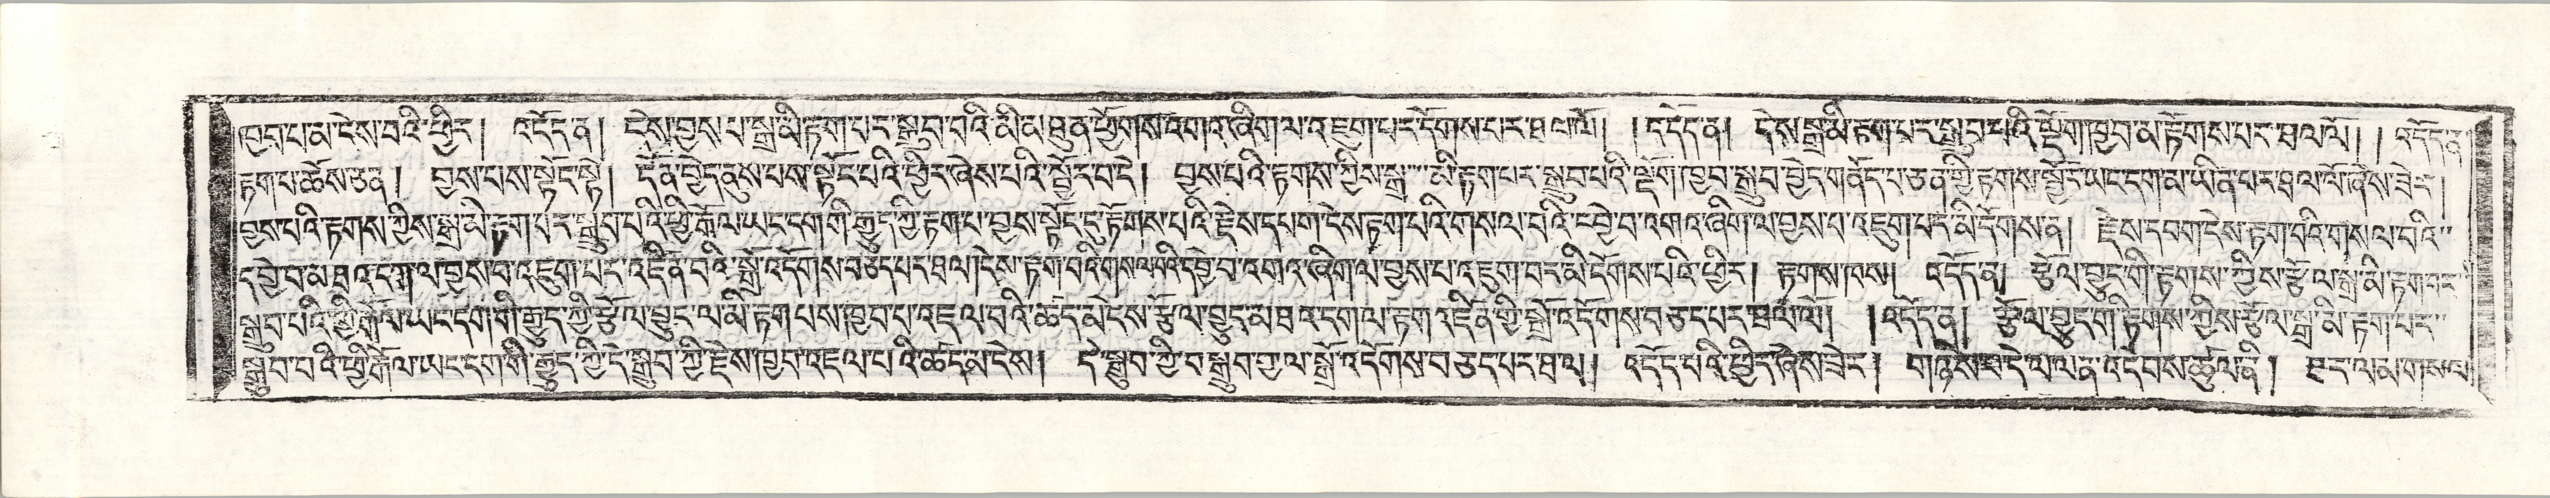ཁྱབ་པ་མ་ངེས་པའི་ཕྱིར། འདོད་ན། དེས་བྱས་པ་སྒྲ་མི་རྟག་པར་སྒྲུབ་པའི་མི་མཐུན་ཕྱོགས་འགའ་ཞིག་ལ་འཇུག་པར་དོགས་པར་ཐལ་ལོ། །འདོད་ན། དེས་སྒྲ་མི་རྟག་པར་སྒྲུབ་པའི་ལྡོག་ཁྱབ་མ་རྟོགས་པར་ཐལ་ལོ། །འདོད་ན།
རྟག་པ་ཆོས་ཅན། བྱས་པས་སྟོང་སྟེ། དོན་བྱེད་ནུས་པས་སྟོང་བའི་ཕྱིར་ཞེས་པའི་སྦྱོར་བ་དེ། བྱས་པའི་རྟགས་ཀྱིས་སྒྲ་མི་རྟག་པར་སྒྲུབ་པའི་ལྡོག་ཁྱབ་སྒྲུབ་བྱེད་གནོད་པ་ཅན་གྱི་རྟགས་སྦྱོར་ཡང་དག་མ་ཡིན་པར་ཐལ་ལོ་ཞེས་ཟེར།
བྱས་པའི་རྟགས་ཀྱིས་སྒྲ་མི་རྟག་པར་སྒྲུབ་པའི་ཕྱིར་རྒོལ་ཡང་དག་གི་རྒྱུད་ཀྱི་རྟག་པ་བྱས་སྟོང་དུ་རྟོགས་པའི་རྗེས་དཔག་དེས་རྟག་པའི་གསལ་བའི་དབྱེ་བ་འགའ་ཞིག་ལ་བྱས་པ་འཇུག་པར་མི་དོགས་ན། རྗེས་དཔག་དེས་རྟག་པའི་གསལ་བའི་
དབྱེ་བ་མཐའ་དག་ལ་བྱས་པ་འཇུག་པར་འཛིན་པའི་སྒྲོ་འདོགས་བཅད་པར་ཐལ། དེས་རྟག་པའི་གསལ་བའི་དབྱེ་བ་འགའ་ཞིག་ལ་བྱས་པ་འཇུག་པར་མི་དོགས་པའི་ཕྱིར། རྟགས་ཁས། འདོད་ན། རྩོལ་བྱུང་གི་རྟགས་ཀྱིས་རྩོལ་སྒྲ་མི་རྟག་པར་
སྒྲུབ་པའི་ཕྱི་རྒོལ་ཡང་དག་གི་རྒྱུད་ཀྱི་རྩོལ་བྱུང་ལ་མི་རྟག་པས་ཁྱབ་པ་འཇལ་བའི་ཚད་མ་དེས་རྩོལ་བྱུང་མཐའ་དག་ལ་རྟག་འཛིན་གྱི་སྒྲོ་འདོགས་བཅད་པར་ཐལ་ལོ། །འདོད་ན། རྩོལ་བྱུང་གི་རྟགས་ཀྱིས་རྩོལ་སྒྲ་མི་རྟག་པར་
སྒྲུབ་པའི་ཕྱི་རྒོལ་ཡང་དག་གི་རྒྱུད་ཀྱི་དེ་སྒྲུབ་ཀྱི་རྗེས་ཁྱབ་འཇལ་བའི་ཚད་མ་དེས། དེ་སྒྲུབ་ཀྱི་བསྒྲུབ་བྱ་ལ་སྒྲོ་འདོགས་བཅད་པར་ཐལ། འདོད་པའི་ཕྱིར་ཞེས་ཟེར། གཉིས་པ་དེ་ལ་ལན་འདེབས་ཚུལ་ནི། ཐར་ལམ་གསལ་